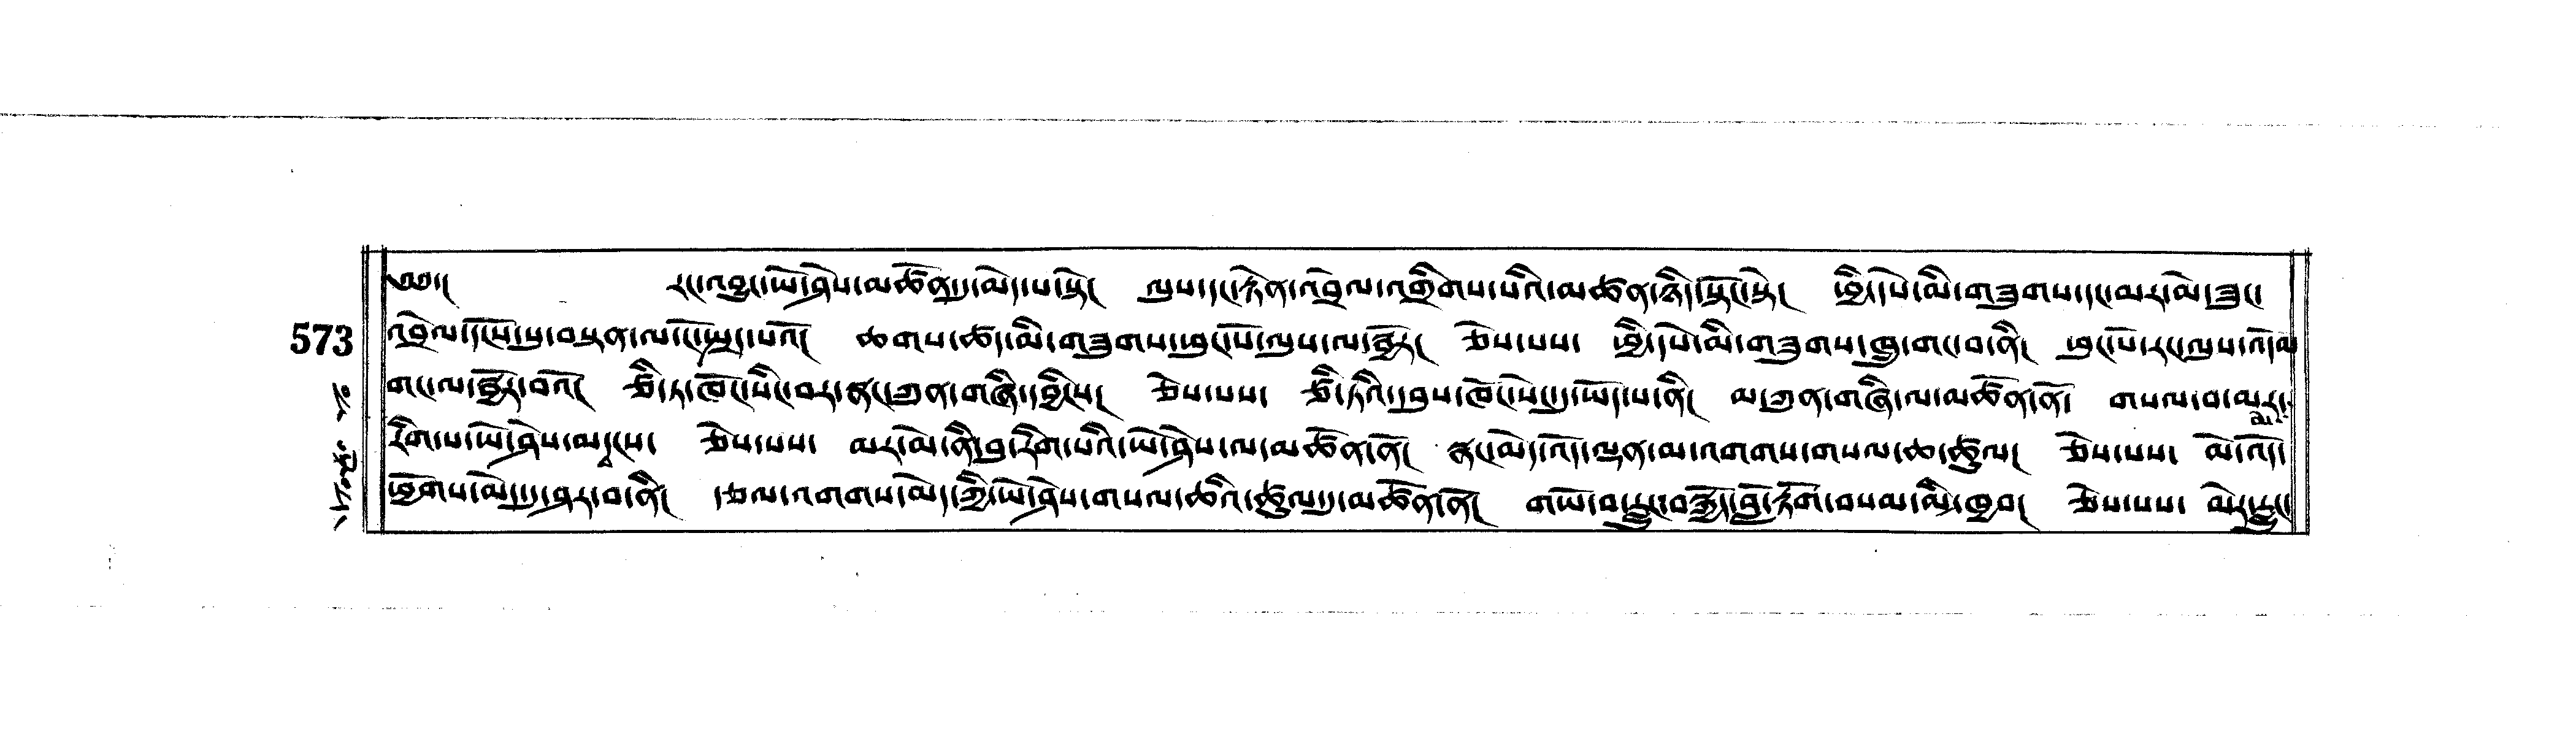རང་འབྱུང་ཡེ་ཤེས་མཚོན་དུ་མེད་པ་སྟེ། ལུས་དང་རྟེན་འབྲེལ་འགྲིག་པའི་མཚན་ཉིད་སྟོན་ཏེ། ཕྱི་དཔེ་མི་གཟུགས་དང་མར་མེ་ཟུང་
འབྲེལ་དངོས་སུ་བསྟན་ལ་ངོ་སྤྲད་པའོ། ཆག་ཚད་མི་གཟུགས་ཕུང་པོ་ལུས་ལ་སྦྱོར། ཅེས་པས། ཕྱི་དཔེ་མི་གཟུགས་ཁྲུ་གང་བ་ནི། ཕུང་པོ་རང་ལུས་འདོམ་
གང་ལ་སྦྱོར་བའོ། ཙིརྟ་ཁོང་སེང་བར་སྣང་ཀུན་གཞི་དབྱིངས། ཅེས་པས། ཙིརྟའི་དབུས་ཁོང་སེང་དུ་ཡོད་པ་ནི། མ་ཀུན་གཞི་ལ་མཚོན་ནོ། གསལ་བ་མར་
མེ་རིག་པ་ཡེ་ཤེས་མདངས། ཅེས་པས། མར་མེ་ནི་བུ་རིག་པའི་ཡེ་ཤེས་ལ་མཚོན་ནོ། སྣང་མེད་འོད་ལྡན་མ་འགག་གསལ་ཆ་ཚུལ། ཅེས་པས། མེ་འོད་
ཕྱོགས་མེད་དུ་ཤར་བ་ནི། རྩལ་འགག་མེད་ཀྱི་ཡེ་ཤེས་གསལ་ཆའི་ཚུལ་དུ་མཚོན་ནོ། གཡོ་བ་རླུང་སྐྱོད་བློ་རྟོག་བསམ་མི་ཁྱབ། ཅེས་པས། མར་མེ་རླུང་